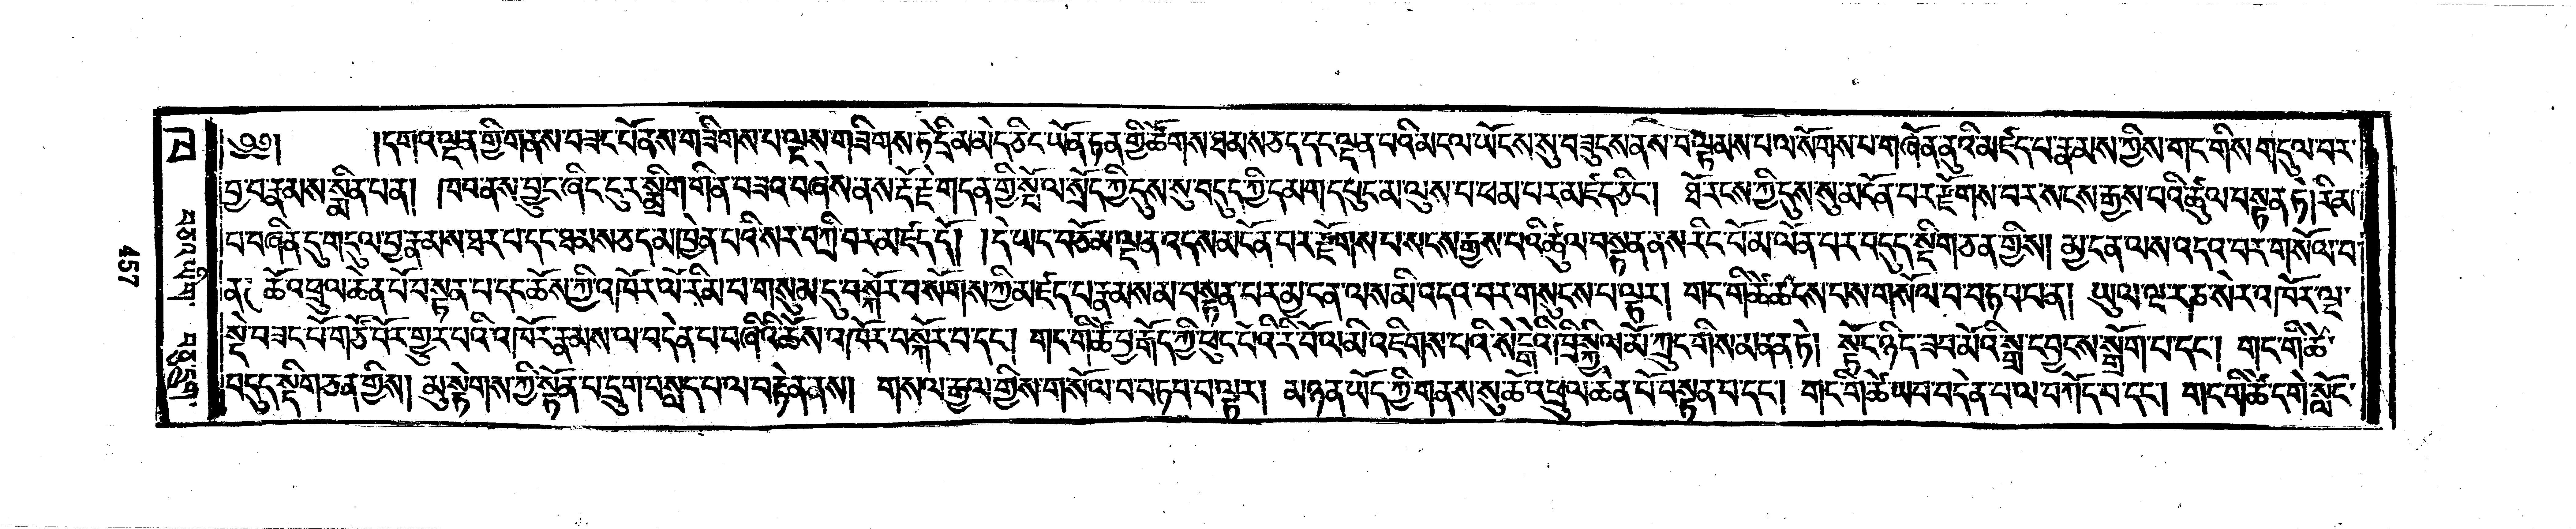༄༅། །དགའ་ལྡན་གྱི་གནས་བཟང་པོ་ནས་གཟིགས་པ་ལྔས་གཟིགས་ཏེ་དྲི་མ་མེད་ཅིང་ཡོན་ཏན་གྱི་ཚོགས་ཐམས་ཅད་དང་ལྡན་པའི་མངལ་ཡོངས་སུ་བཟུངས་ནས་བལྟམས་པ་ལ་སོགས་པ་གཞོན་ནུའི་མཛད་པ་རྣམས་ཀྱིས་གང་གིས་གདུལ་བར་
བྱ་བ་རྣམས་སྨིན་པ་ན། ཁབ་ནས་བྱུང་ཞིང་དུར་སྨྲིག་གི་ན་བཟའ་བཞེས་ནས་རྡོ་རྗེ་གདན་གྱི་སྤོ་ལ་སྲོད་ཀྱི་དུས་སུ་བདུད་ཀྱི་དམག་དཔུང་མ་ལུས་པ་ཕམ་པར་མཛད་ཅིང་། ཐོ་རངས་ཀྱི་དུས་སུ་མངོན་པར་རྫོགས་བར་སངས་རྒྱས་པའི་ཚུལ་བསྟན་ཏེ། རིམ་
པ་བཞིན་དུ་གདུལ་བྱ་རྣམས་ཐར་པ་དང་ཐམས་ཅད་མཁྱེན་པའི་སར་བཀྲི་བར་མཛད་དོ། །དེ་ཡང་བཅོམ་ལྡན་འདས་མངོན་པར་རྫོགས་པ་སངས་རྒྱས་པའི་ཚུལ་བསྟན་ནས་རིང་པོ་མ་ལོན་པར་བདུད་སྡིག་ཅན་གྱིས། མྱ་ངན་ལས་འདའ་བར་གསོལ་བ་
ན༑ ཆོ་འཕྲུལ་ཆེན་པོ་བསྟན་པ་དང་ཆོས་ཀྱི་འཁོར་ལོ་རིམ་པ་གསུམ་དུ་བསྐོར་བ་སོགས་ཀྱི་མཛད་པ་རྣམས་མ་བསྟན་པར་མྱ་ངན་ལས་མི་འདའ་བར་གསུངས་པ་ལྟར། གང་གི་ཚེ་ཚངས་པས་གསོལ་བ་བཏབ་པ་ན། ཡུལ་ལྔ་རཎ་སེར་འཁོར་ལྔ་
སྡེ་བཟང་པོ་གཙོ་བོར་གྱུར་པའི་འཁོར་རྣམས་ལ་བདེན་པ་བཞིའི་ཆོས་འཁོར་བསྐོར་བ་དང་། གང་གི་ཚེ་བྱ་རྒོད་ཀྱི་ཕུང་པོའི་རི་བོ་ལ་མི་འཇིགས་པའི་སེངྒེའི་ཁྲི་སྐྱིལ་མོ་ཀྲུང་གིས་མནན་ཏེ། སྟོང་ཉིད་ཟབ་མོའི་སྒྲ་དབྱངས་སྒྲོག་པ་དང་། གང་གི་ཚེ་
བདུད་སྡིག་ཅན་གྱིས། མུ་སྟེགས་ཀྱི་སྟོན་པ་དྲུག་བསླད་པ་ལ་བརྟེན་ནས། གསལ་རྒྱལ་གྱིས་གསོལ་བ་བཏབ་པ་ལྟར། མཉན་ཡོད་ཀྱི་གནས་སུ་ཆོ་འཕྲུལ་ཆེན་པོ་བསྟན་པ་དང་། གང་གི་ཚེ་ཡབ་བདེན་པ་ལ་བཀོད་བ་དང་། གང་གི་ཚེ་དགེ་སློང་